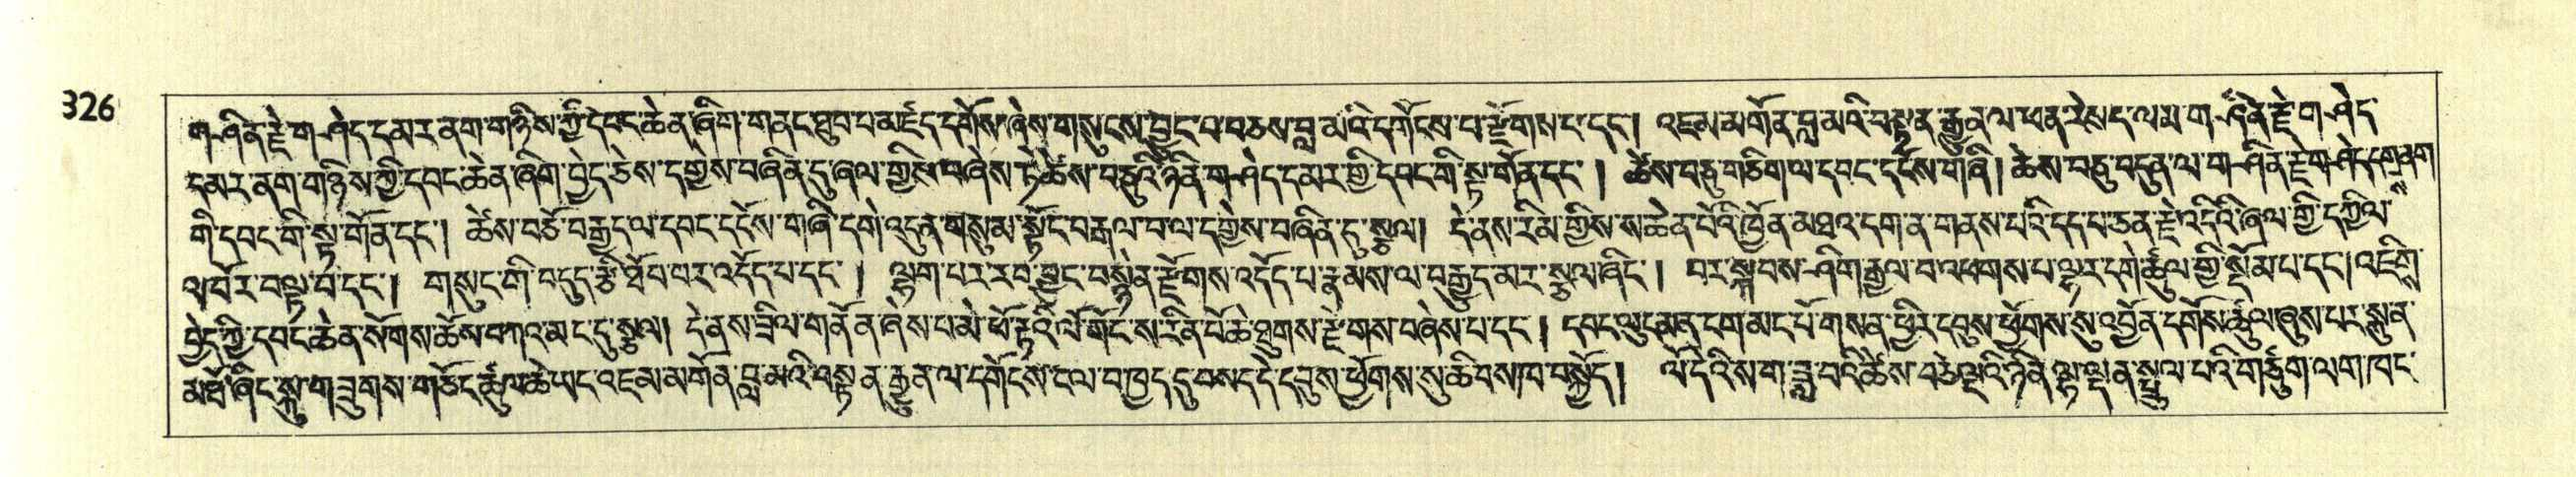གཤིན་རྗེ་གཤེད་དམར་ནག་གཉིས་ཀྱི་དབང་ཆེན་ཞིག་གནང་ཐུབ་པ་མཛད་དགོས་ཞེས་གསུངས་བྱུང་བ་བཅས་བླ་མའི་དགོངས་པ་རྫོགས་པ་དང་། འཇམ་མགོན་བླ་མའི་བསྟན་རྒྱུན་ལ་ཕན་རེས་ད་ལམ་གཤིན་རྗེ་གཤེད་
དམར་ནག་གཉིས་ཀྱི་དབང་ཆེན་ཞིག་བྱེད་ཅེས་དགྱེས་བཞིན་དུ་ཞལ་གྱིས་བཞེས་ཏེ་ཚེས་བཅུའི་ཉིན་གཤེད་དམར་གྱི་དབང་གི་སྟ་གོན་དང་། ཚེས་བཅུ་གཅིག་ལ་དབང་དངོས་གཞི། ཆེས་བཅུ་བདུན་ལ་གཤིན་རྗེ་གཤེད་དགྲས་ནག་
གི་དབང་གི་སྟ་གོན་དང་། ཚེས་བཅོ་བརྒྱད་ལ་དབང་དངོས་གཞི་དགེ་འདུན་གསུམ་སྟོང་བརྒལ་བ་ལ་དགྱེས་བཞིན་དུ་སྩལ། དེ་ནས་རིམ་གྱིས་ས་ཆེན་པོའི་ཁྱོན་མཐའ་དག་ན་གནས་པའི་དད་པ་ཅན་རྗེ་འདིའི་ཞལ་གྱི་དཀྱིལ་
འཁོར་བལྟ་བ་དང་། གསུང་གི་བདུད་རྩི་ཐོབ་པར་འདོད་པ་དང་། ལྷག་པར་རབ་བྱུང་བསྙེན་རྫོགས་འདོད་པ་རྣམས་ལ་བརྒྱུད་མར་སྩལ་ཞིང་། བར་སྐབས་ཤིག་རྒྱལ་བ་འཕགས་པ་ལྷར་དགེ་ཚུལ་གྱི་སྡོམ་པ་དང་། འཇིགས་
བྱེད་ཀྱི་དབང་ཆེན་སོགས་ཆོས་བཀའ་མང་དུ་སྩལ། དེ་ནས་བྲིལ?་གནོན་ཞེས་པ་མེ་ཕོ་རྟའི་ལོ་གོང་ས་རིན་པོ་ཆེ་ཐུགས་རྗེགས་བཞེས་པ་དང་། དབང་ལུང་མན་ངག་མང་པོ་གསན་ཕྱིར་དབུས་ཕྱོགས་སུ་འབྱོན་དགོས་ཚུལ་ཞུས་པར་སྐུ་ན་
མཐོ་ཞིང་སྐུ་གཟུགས་གཅོང་ཚུལ་ཆེ་ཡང་འཇམ་མགོན་བླ་མའི་བསྟན་རྒྱུན་ལ་དགོངས་ངལ་བ་ཁྱད་དུ་བསད་དེ་དབུས་ཕྱོགས་སུ་ཆི་བས་ཁ་བསྐྱོད། ལོ་དེའི་ས་ག་ཟླ་བའི་ཚེས་བཅོ་ལྔའི་ཉིན་ལྷ་ལྡན་སྤྲུལ་པའི་གཙུག་ལག་ཁང་